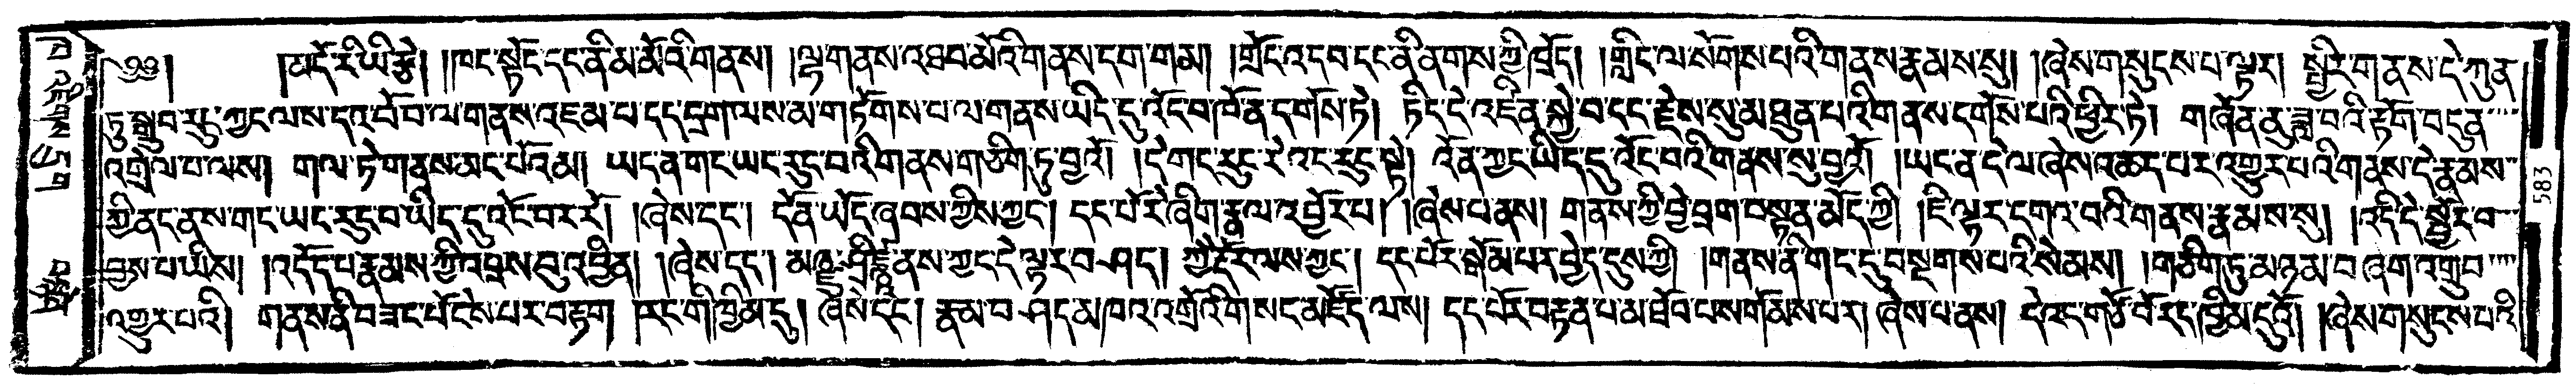༄༅། །མདོ་རི་ཡི་རྩེ། །ཁང་སྟོང་དང་ནི་མ་མོའི་གནས། །ལྷ་གནས་འཐབ་མོའི་གནས་དག་གམ། །གྲོང་འདབ་དང་ནི་ནགས་ཀྱི་ཁྲོད། །གླིང་ལ་སོགས་པའི་གནས་རྣམས་སུ། །ཞེས་གསུངས་པ་ལྟར། སྤྱིར་གནས་དེ་ཀུན་
ཏུ་སྒྲུབ་རུང་ཀྱང་ལས་དང?་བོ་བ་ལ་གནས་འཇམ་པ་དད་དྲག་ལས་མ་གཏོགས་པ་ལ་གནས་ཡིད་དུ་འོང་བ་ཁོ་ན་དགོས་ཏེ། ཏིང་ངེ་འཛིན་སྐྱེ་བ་དང་རྗེས་སུ་མཐུན་པའི་གནས་དགོས་པའི་ཕྱིར་ཏེ། གཞོན་ནུ་ཟླ་བའི་རྟོག་བདུན་
འགྲེལ་པ་ལས། གལ་ཏེ་གནས་མང་པོའམ། ཡང་ན་གང་ཡང་རུང་བའི་གནས་གཅིག་ཏུ་བྱའོ། །དེ་གང་རུང་རེའང་རུང་སྟེ། འོན་ཀྱང་ཡིད་དུ་འོང་བའི་གནས་སུ་བྱའོ། །ཡང་ན་དེ་ལ་ཞེས་འཆད་པར་འགྱུར་བའི་གནས་དེ་རྣམས་
ཀྱི་ནང་ནས་གང་ཡང་རུང་བ་ཡིད་དུ་འོང་བར་རོ། །ཞེས་དང་། དོན་ཡོད་ཞབས་ཀྱིས་ཀྱང་། དང་པོ་རེ་ཞིག་རྣལ་འབྱོར་པ། །ཞེས་པ་ནས། གནས་ཀྱི་བྱེ་བྲག་བསྟན་མོད་ཀྱི། །ཇི་ལྟར་དགའ་བའི་གནས་རྣམས་སུ། །འདི་དེ་སྦྱོར་བ་
བྱས་པ་ཡིས། །འདོད་པ་རྣམས་ཀྱི་འབྲས་བུ་འབྱིན། །ཞེས་དང་། མཉྫུ་ཤྲི་ཛྙཱ་ནས་ཀྱང་དེ་ལྟར་བཤད། ཀྱཻ་རྡོར་ལས་ཀྱང་། དང་པོར་སྒོམ་པར་བྱེད་དུས་ཀྱི། །གནས་ནི་གང་དུ་བསྔགས་པའི་སེམས། །གཅིག་ཏུ་མཉམ་བཞག་འགྲུབ་
འགྱུར་བའི། གནས་ནི་བཟང་པོ་ངེས་པར་བརྟག །རང་གི་ཁྱིམ་དུ། ཞེས་དང་། རྣམ་བཤད་མཁའ་འགྲོའི་གསང་མཛོད་ལས། དང་པོར་བརྟན་པ་མ་ཐོབ་པས་གོམས་པར། ཞེས་པ་ནས། དེའང་གཙོ་བོ་རང་ཁྱིམ་དུའོ། །ཞེས་གསུངས་པའི་